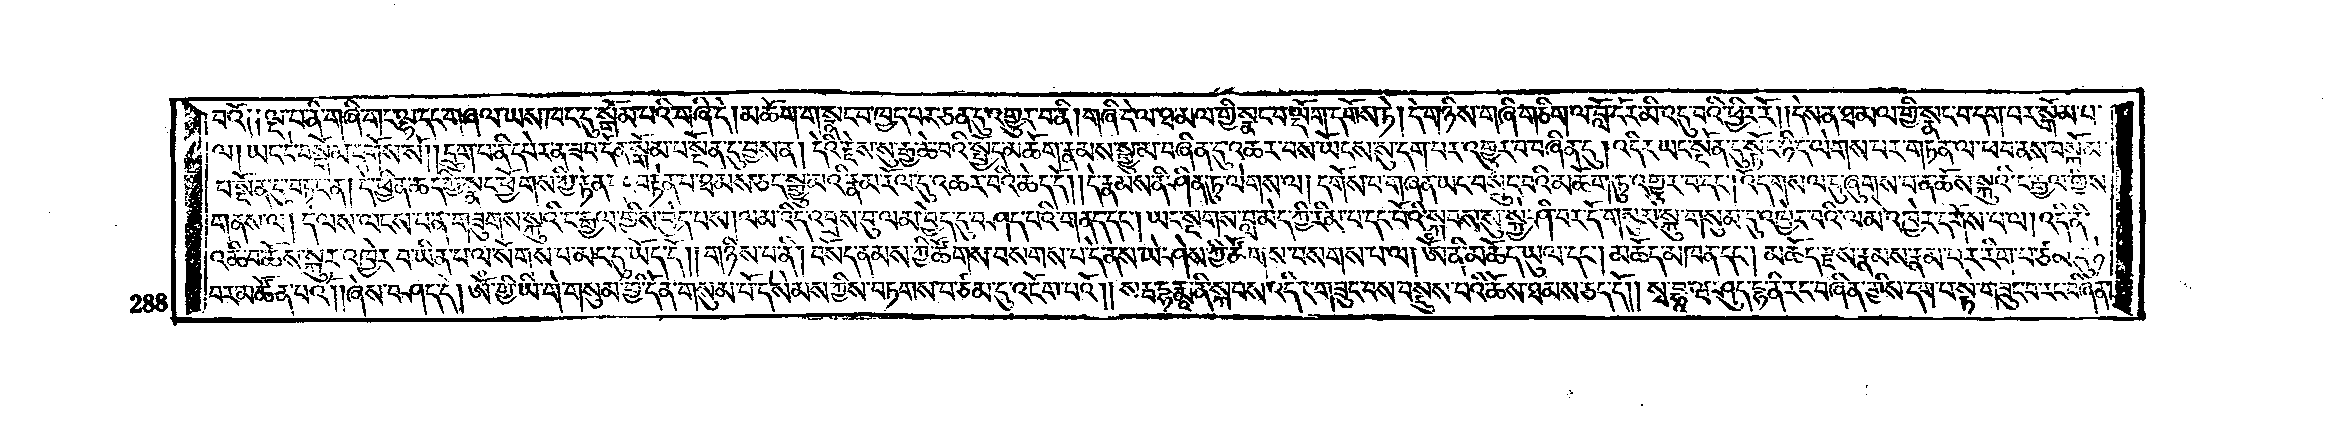བའོ། །ལྔ་པ་ནི་གཞི་གང་ལྷ་དང་གཞལ་ཡས་ཁང་དུ་སྒོམ་པའི་གཞི་དེ། མཆོག་གི་སྣང་བ་ཁྱད་པར་ཅན་དུ་འགྱུར་བ་ནི། གཞི་དེ་ལ་ཐ་མལ་གྱི་སྣང་བ་ལྡོག་དགོས་ཏེ། དེ་གཉིས་གཞི་གཅིག་ལ་བློ་ངོར་མི་འདུ་བའི་ཕྱིར་རོ། །དེས་ན་ཐ་མལ་གྱི་སྣང་བ་དག་པར་སྒོམ་པ་
ལ། ཡང་དེ་བསྒོམ་དགོས་སོ། །དྲུག་པ་ནི་དཔེར་ན་ཟབ་དོན་སྒོམ་པ་སྔོན་དུ་བྱས་ན། དེའི་རྗེས་སུ་རྒྱ་ཆེ་བའི་སྤྱོད་མཆོག་རྣམས་སྒྱུ་མ་བཞིན་དུ་འཚོར་བས་ཡོངས་སུ་དག་པར་འགྱུར་བ་བཞིན་དུ། འདིར་ཡང་སྔོན་དུ་སྟོང་ཉིད་ལེགས་པར་གཏན་ལ་ཕབ་ནས་བསྒོམ་
པ་སྔོན་དུ་བཏང་ན། དེ་ཕྱིན་ཆད་ཀྱི་སྣང་ཕྱོགས་ཀྱི་རྟེན་དང་བརྟེན་པ་ཐམས་ཅད་སྒྱུ་མའི་རྣམ་རོལ་དུ་འཆར་བའི་ཆེད་དོ། །དེ་རྣམས་ནི་ཤིན་ཏུ་ལེགས་ལ། དགོས་པ་གཞན་ཡང་བསྲུང་བའི་མཆོག་ཏུ་འགྱུར་བ་དང་། འོད་གསལ་དུ་ཞུགས་པ་ན་ཆོས་སྐུའི་ང་རྒྱལ་གྱིས་
གནས་ལ། དེ་ལས་ལངས་པ་ན་གཟུགས་སྐུའི་ང་རྒྱལ་གྱིས་བྱེད་པས། ལམ་འདི་འབྲས་བུ་ལམ་བྱེད་དུ་བཤད་པའི་གནད་དང་། ཡང་སྔགས་བླ་མེད་ཀྱི་རིམ་པ་དང་པོའི་སྐབས་སུ་སྐྱེ་ཤི་བར་དོ་གསུམ་སྐུ་གསུམ་དུ་འཁྱེར་བའི་ལམ་འཁྱེར་དགོས་པ་ལ། འདི་ནི་
འཆི་བ་ཆོས་སྐུར་འཁྱེར་བ་ཡིན་པ་ལ་སོགས་པ་མང་དུ་ཡོད་དོ། །གཉིས་པ་ནི། བསོད་ནམས་ཀྱི་ཚོགས་བསགས་པ་དེ་ནས་ཡེ་ཤེས་ཀྱི་ཚོགས་བསགས་པ་ལ། ཨོཾ་ནི་མཆོད་ཡུལ་དང་། མཆོད་མཁན་དང་། མཆོད་རྫས་རྣམས་རྣམ་པར་རིག་པ་ཙམ་དུ་ཉེ་
བར་མཚོན་པའོ། །ཞེས་བཤད་དེ། ཨོཾ་གྱི་ཡི་གེ་གསུམ་གྱི་དོན་གསུམ་པོ་དེ་སེམས་ཀྱིས་བཏགས་པ་ཙམ་དུ་འཇོག་པའོ། །སརྦ་དྷརྨཱ་ནི་སྐབས་འདིར་གཟུང་བས་བསྡུས་པའི་ཆོས་ཐམས་ཅད་དོ། །སྭ་བྷཱ་ཝ་ཤུད་དྷ་ནི་རང་བཞིན་གྱིས་དག་པ་སྟེ་གཟུང་བ་རང་བཞིན་